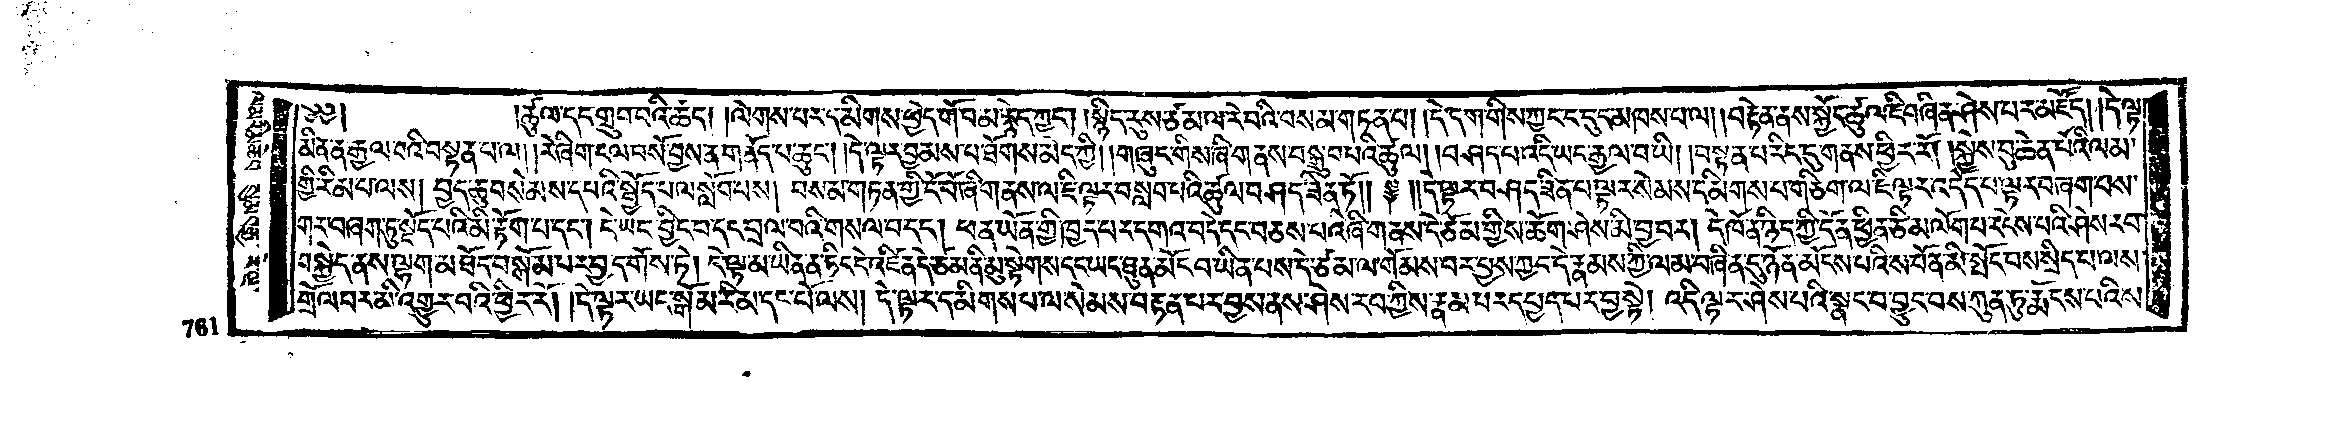༄༅། །ཚུལ་དང་གྲུབ་པའི་ཚད། །ལེགས་པར་དམིགས་ཕྱེད་གོ་བ་མ་རྙེད་ཀྱང་། །སྙིང་རུས་ཙམ་ལ་རེ་བའི་བསམ་གཏན་པ། །དེ་དག་གིས་ཀྱང་ད་དུང་མཁས་པ་ལ། །བརྟེན་ནས་སྐྱོང་ཚུལ་ཇི་བཞིན་ཤེས་པར་མཛོད། །དེ་ལྟ་
མིན་ན་རྒྱལ་བའི་བསྟན་པ་ལ། །རེ་ཞིག་ངལ་བསོ་བྱས་ན་གནོད་པ་ཆུང་། །དེ་ལྟར་བྱམས་པ་ཐོགས་མེད་ཀྱི། །གཞུང་གིས་ཞི་གནས་བསྒྲུབ་པའི་ཚུལ། །བཤད་པ་འདི་ཡང་རྒྱལ་བ་ཡི། །བསྟན་པ་རིང་དུ་གནས་ཕྱིར་རོ། །སྐྱེས་བུ་ཆེན་པོའི་ལམ་
གྱི་རིམ་པ་ལས། བྱང་ཆུབ་སེམས་དཔའི་སྤྱོད་པ་ལ་སློབ་པས། བསམ་གཏན་གྱི་ངོ་བོ་ཞི་གནས་ལ་ཇི་ལྟར་བསླབ་པའི་ཚུལ་བཤད་ཟིན་ཏོ།། ༈ །།དེ་ལྟར་བཤད་ཟིན་པ་ལྟར་སེམས་དམིགས་པ་གཅིག་ལ་ཇི་ལྟར་འདོད་པ་ལྟར་བཞག་པས་
གར་བཞག་ཏུ་སྡོད་པའི་མི་རྟོག་པ་དང་། དེ་ཡང་བྱིང་བ་དང་བྲལ་བའི་གསལ་བ་དང་། ཕན་ཡོན་གྱི་ཁྱད་པར་དགའ་བདེ་དང་བཅས་པའི་ཞི་གནས་དེ་ཙམ་གྱིས་ཆོག་ཤེས་མི་བྱ་བར། དེ་ཁོ་ན་ཉིད་ཀྱི་དོན་ཕྱིན་ཅི་མ་ལོག་པར་ངེས་པའི་ཤེས་རབ་
བསྐྱེད་ནས་ལྷག་མཐོང་བསྒོམ་པར་བྱ་དགོས་ཏེ། དེ་ལྟ་མ་ཡིན་ན་ཏིང་ངེ་འཛིན་དེ་ཙམ་ནི་མུ་སྟེགས་དང་ཡང་ཐུན་མོང་བ་ཡིན་པས་དེ་ཙམ་ལ་གོམས་པར་བྱས་ཀྱང་དེ་རྣམས་ཀྱི་ལམ་བཞིན་དུ་ཉོན་མོངས་པའི་ས་བོན་མི་སྤོང་བས་སྲིད་པ་ལས་
གྲོལ་བར་མི་འགྱུར་བའི་ཕྱིར་རོ། །དེ་ལྟར་ཡང་སྒོམ་རིམ་དང་པོ་ལས། དེ་ལྟར་དམིགས་པ་ལ་སེམས་བརྟན་པར་བྱས་ནས་ཤེས་རབ་ཀྱིས་རྣམ་པར་དཔྱད་པར་བྱ་སྟེ། འདི་ལྟར་ཤེས་པའི་སྣང་བ་བྱུང་བས་ཀུན་ཏུ་རྨོངས་པའི་ས་